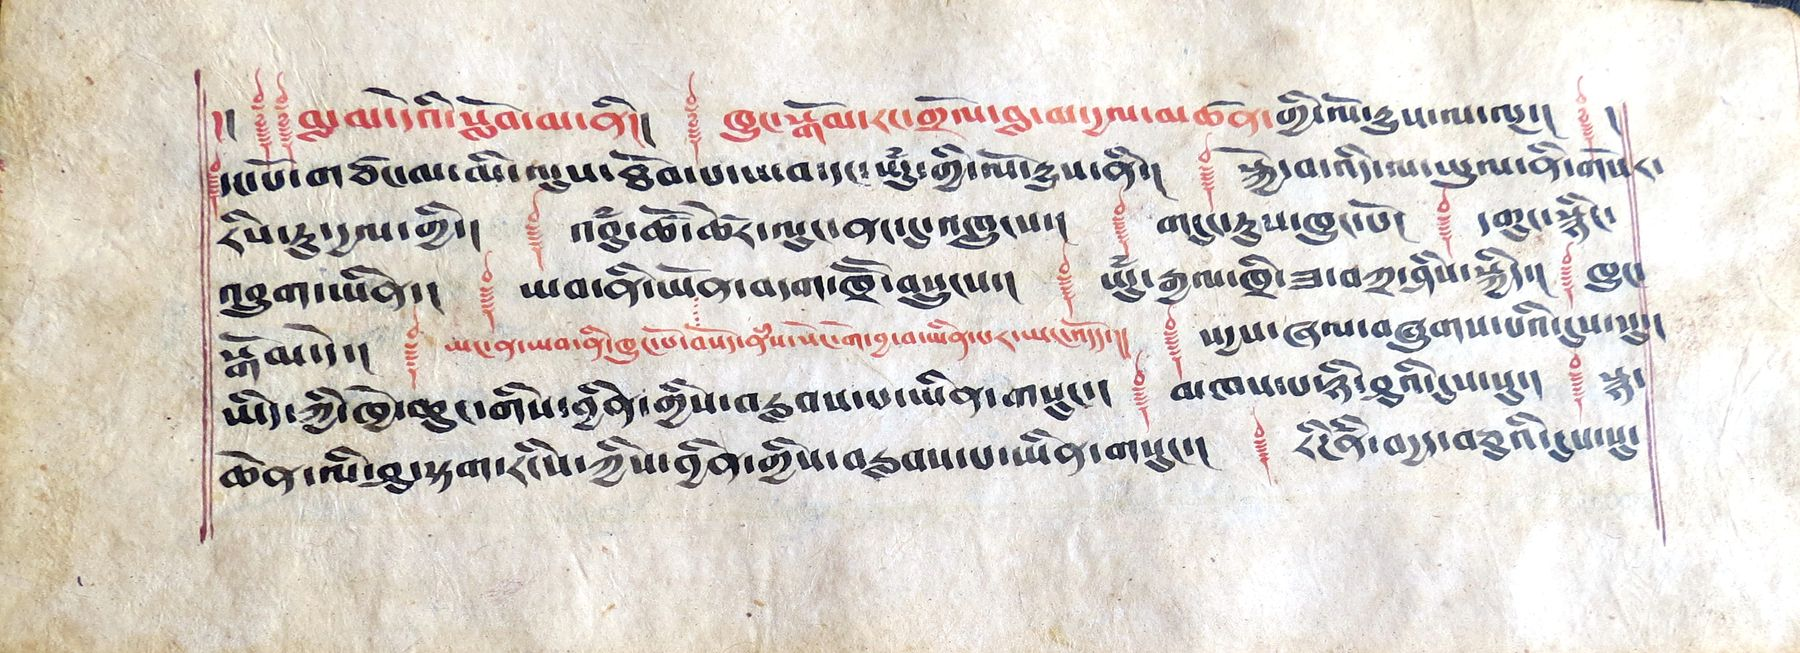བླ་མ་དེའི་སློབ་མ་ནི། ཁྱུང་སྒོམ་རང་གྲོལ་བླ་མ་རྒྱལ་མཚན་གྱི་ལོ་རྒྱུས་ལ་ལྔ། 
དང་པོ་གཙང་མ་མི་ལུས་ཐོབ་པ་ཡབ་དང་ཡུམ་གྱི་ལོ་རྒྱུས་ནི། སྐྱེ་བ་འདི་ལ་ཡུལ་ནི་གསེར་
རིའི་རུ་རྒྱལ་གྱི་འབུམ་ཚོ་ཚེར་ལུང་ནང་དུ་འཁྲུངས། གདུང་རུས་ཁྱུང་པོ། དགུང་སྙིང་
འབྲུག་ཡིན། ཡབ་ནི་ཡོན་བདག་ཁྲོ་བོ་བསྲུང་། ༼ཡང་ན་ཡབ་ནི་ཁྱུང་པོ་བསོད་ནམས་སེང་གེ་བྱ་བ་ཡིན་པར་ཡང་འདོད། ༽ཡུམ་རྒྱལ་ཁྲི་བཟའ་བཀྲ་ཤིས་སྐྱིད། ཁྱུང་
སྒོམ་དེ་སངས་རྒྱས་ཞལ་བཞུགས་པའི་དུས་སུ། 
ཡིད་ཀྱི་ཁྱེའུ་ཆུང་གིས་བྱིན་གྱིས་བརླབས་པ་ཡིན་གསུངས། མཁས་པ་ཉི་ཤུའི་དུས་སུ་སྙ་
ཆེན་ལི་ཤུ་སྟག་རིང་གིས་བྱིན་གྱིས་བརླབས་པ་ཡིན་གསུངས། རིག་འཛིན་བརྒྱ་བཅུའི་དུས་སུ་